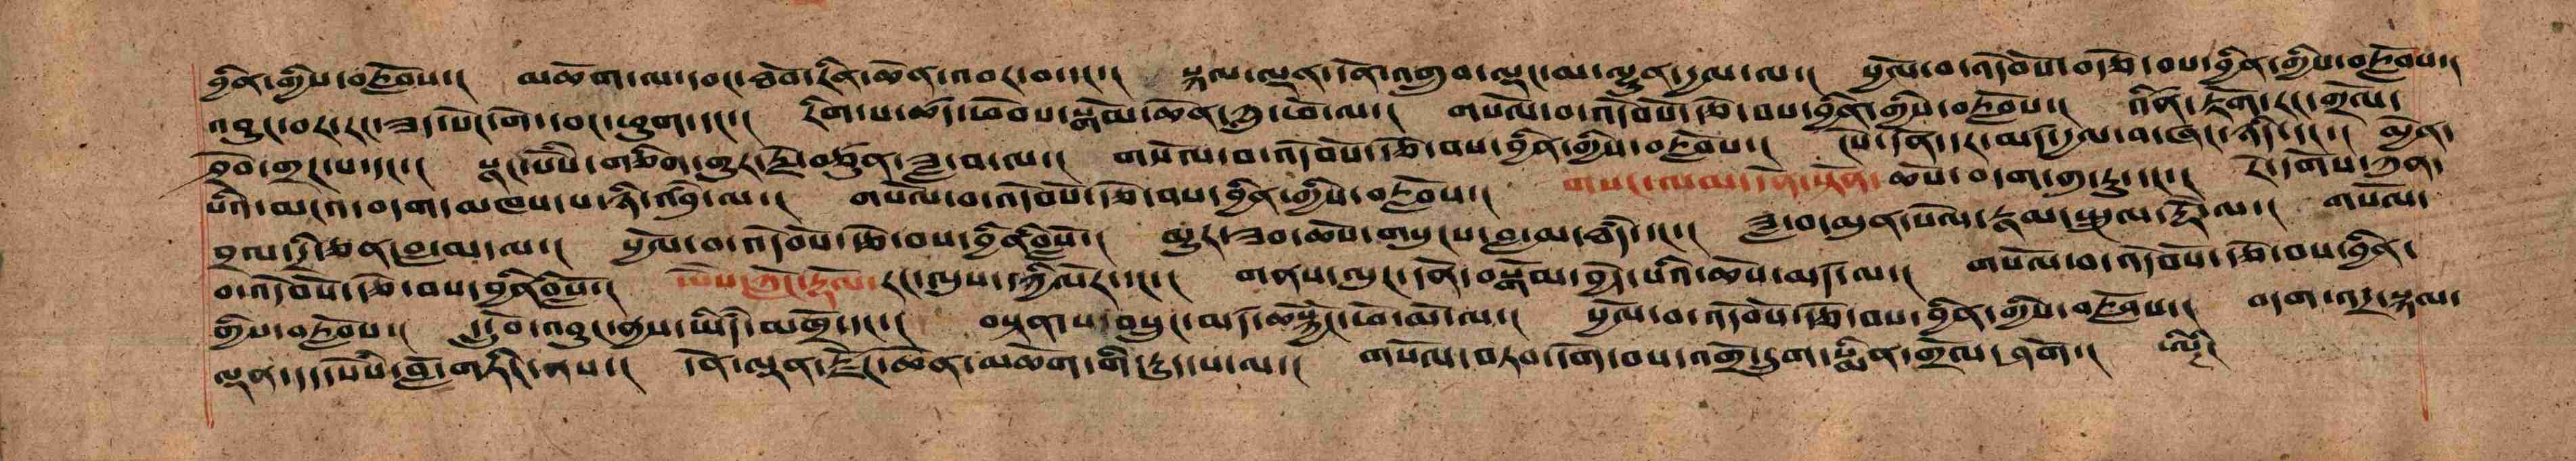བྱིན་གྱིས་བརློབས། མཆོག་ལ་དབང་ཐོབ་རིན་ཆེན་འབར་བ་དང་། སྐལ་ལྡན་དོན་འགྲུབ་ལྡང་མ་ལྷུན་རྒྱལ་ལ། གསོལ་བ་འདེབས་སོ་བརྩེ་བས་བྱིན་གྱིས་བརློབས། 
འབྱུང་བར་རང་ཟད་སེང་གེ་དབང་ཕྱུག་དང་། རིག་པ་ཚད་ཕེབས་སྒོམ་ཆེན་ཀླུ་ཕོ་ལ། གསོལ་བ་འདེབས་སོ་བརྩེ་བས་བྱིན་གྱིས་བརློབས། འཛིན་རྟོགས་རང་གྲོལ་
ཤེས་རབ་གྲགས་པ་དང་། སྣང་སེམས་གཅིག་གྱུར་རྗེ་བཙུན་ཟླ་བ་ལ། གསོལ་བ་འདེབས་སོ་བརྩེ་བས་བྱིན་གྱིས་བརློབས། ངེས་དོན་དར་མཛད་རྒྱལ་བ་ཞང་ཉིད་དང་། མྱེན་
པའི་མངའ་བདག་མཁས་པ་ཉི་འབུམ་ལ། གསོལ་བ་འདེབས་སོ་བརྩེ་བས་བྱིན་གྱིས་བརློབས། གསང་ལམ་དོན་སྟོན་ཆོས་བདག་གུ་རུ་དང་། རེ་དགོས་ཀུན་
བྲལ་དྲི་ཅན་བླ་མ་ལ། གསོལ་བ་འདེབ་སསོ་རྩེ་བས་བྱིན་གཡྱིས་རློབས། མྱུར་ཟབ་ཆོས་གསུངས་བླ་མ་ཐམས་ཅད་དང་། ཟླ་བ་མུན་སེལ་རྣམ་སྤྲུལ་རྡོ་རྗེ་ལ། གསོལ་
བ་འདེབས་སོ་བརྩེ་བས་བྱིན་གྱིས་བརློབས། ཡེ་ཤེས་ཀློང་རྡོལ་རང་ལུས་དཀྱིལ་འཁོར་དང་། གནས་ལུགས་དོན་བསྒོམ་བྱེད་པའི་ཆོས་མཛད་ལ། གསོལ་བ་འདེབས་སོ་བརྩེ་བས་བྱིན་
གྱིས་བརློབས། དངོས་གྲུབ་འབྱུང་གནས་ཡིད་དམ་མཁའ་འགྲོ་དང་། བསྟན་པ་བསྲུང་མཛད་ཆོས་སྐྱོང་ཕོ་མོ་ལ། གསོལ་བ་འདེབས་སོ་རྩེ་བས་བྱིན་གྱིས་བརློབས། བདག་འདྲ་སྐལ་
ལྡན་དད་སེམས་བློ་གཏིང་ནས། དོན་ལྡན་རྫོགས་ཆེན་མཆོག་གི་རྒྱུད་པ་ལ། གསོལ་བཏབ་དགེ་བས་འགྲོ་དྲུག་སྨིན་གྲོལ་ཤོག ཨིཊི།